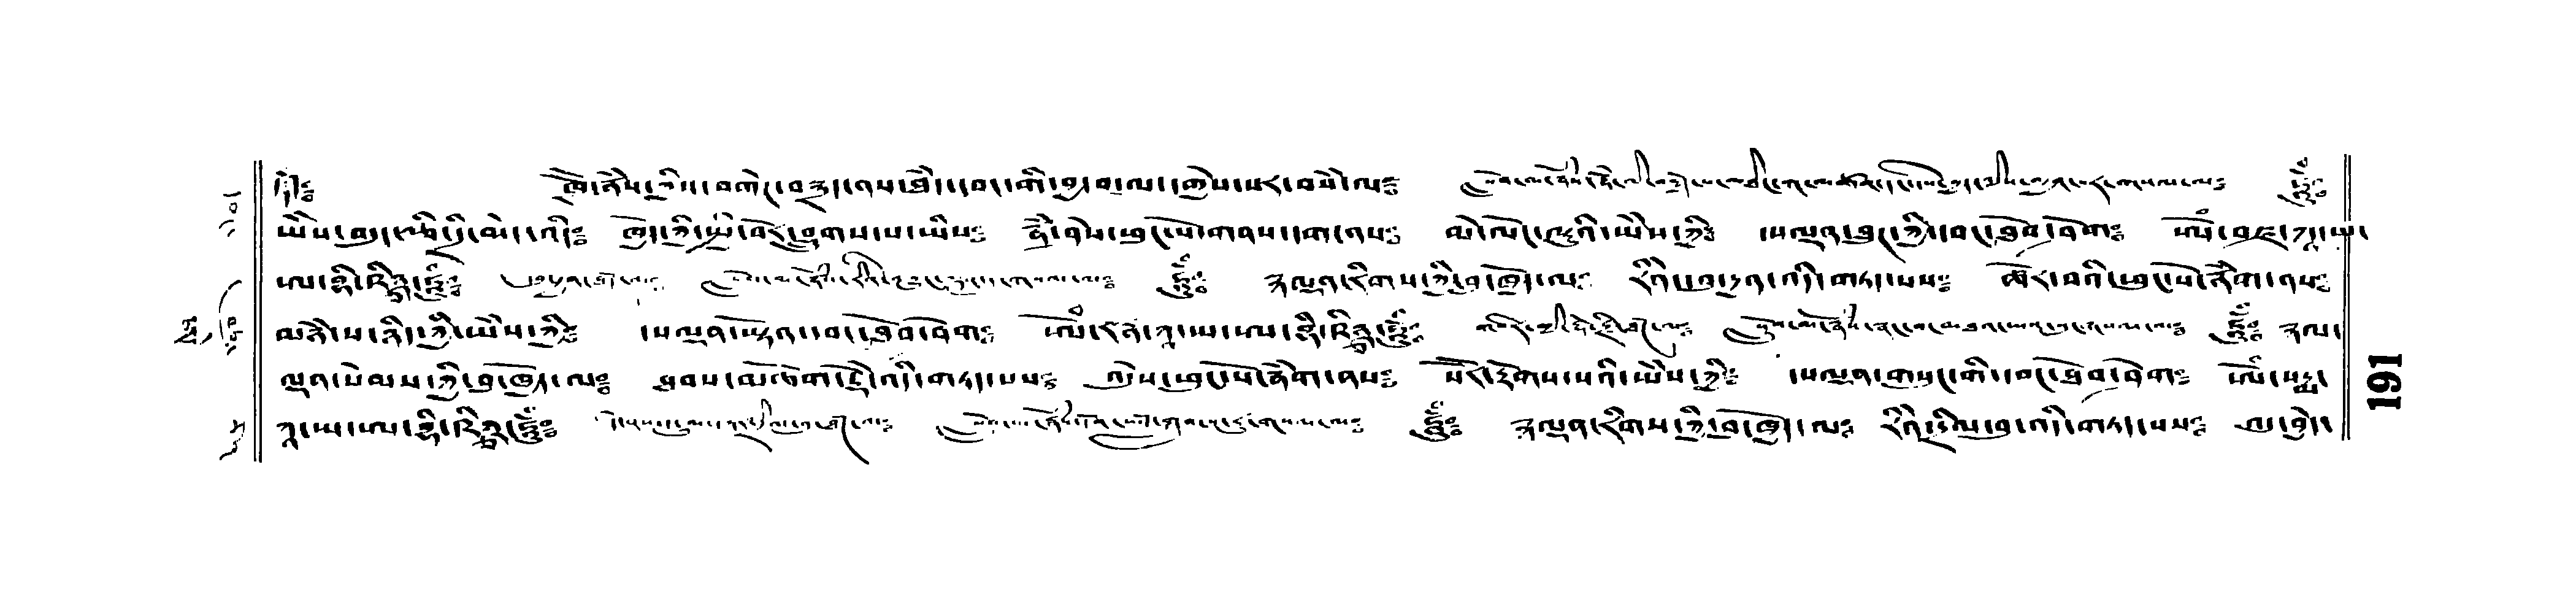ཁྲོ་བོ་རྣམས་ཀྱིས་བགེགས་བསྐྲད་ནས་ཐམས་ཅད་དབང་གི་བྱ་བ་ལ་དགྱེས་པར་བསམ་ལ༔ སློབ་མ་རྣམས་རྡོ་རྗེ་མི་བསྐྱོད་པ་མཐིང་ག་མཚན་དང་དཔེ་བྱད་ཀྱིས་བརྒྱན་པར་གསལ་ལ༔ ཧཱུྃ༔ 
ཡེ་ཤེས་བདུད་རྩི་དྲི་མེད་འདི༔ ཁྱོད་ཀྱི་སྤྱི་བོར་བླུགས་པ་ཡིས༔ རྣམ་ཤེས་ཕུང་པོ་གནས་དག་ནས༔ མེ་ལོང་ལྟ་བུའི་ཡེ་ཤེས་ཀྱི༔ དཔལ་ལྡན་ཐུགས་ཀྱི་དབང་ཐོབ་ཤོག༔ ཨོཾ་བཛྲ་ཀཱ་ཡ་
ཨ་བྷི་རིཉྩ་ཧཱུྃ༔ དབུ་རྒྱན་ཐོགས་ལ༔ སློབ་མ་རྣམས་རིན་ཆེན་འབྱུང་ལྡན་དུ་གསལ་ལ༔ ཧཱུྃཿ སྐལ་ལྡན་རིགས་ཀྱི་བུ་ཁྱོད་ལ༔ རིན་ཆེན་དབུ་རྒྱན་འདི་གཏད་པས༔ ཚོར་བའི་ཕུང་པོ་རྣམ་དག་ནས༔ 
མཉམ་པ་ཉིད་ཀྱི་ཡེ་ཤེས་ཀྱི༔ དཔལ་ལྡན་ཡོན་ཏན་དབང་ཐོབ་ཤོག༔ ཨོཾ་རཏྟ་ཀཱ་ཡ་ཨ་བྷི་རིཉྩ་ཧཱུྃཿ གསེར་གྱི་རྡོ་རྗེ་ཐོགས་ལ༔ སློབ་མ་རྣམས་སྣང་བ་མཐའ་ཡས་སུ་གསལ་ལ༔ ཧཱུྃ༔ སྐལ་
ལྡན་སེམས་ཀྱི་བུ་ཁྱོད་ལ༔ ཐབས་མཆོག་རྡོ་རྗེ་འདི་གཏད་པས༔ འདུ་ཤེས་ཕུང་པོ་རྣམ་དག་ནས༔ སོ་སོར་རྟོགས་པའི་ཡེ་ཤེས་ཀྱི༔ དཔལ་ལྡན་གསུང་གི་དབང་ཐོབ་ཤོག༔ ཨོཾ་པདྨ་
ཀཱ་ཡ་ཨ་བྷི་རིཉྩ་ཧཱུྃཿ དེ་ནས་དངུལ་དཀར་དྲིལ་བུ་ཐོགས་ལ༔ སློབ་མ་རྣམས་དོན་ཡོད་གྲུབ་པ་རུ་གསལ་ལ༔ ཧཱུྃཿ སྐལ་ལྡན་རིགས་ཀྱི་བུ་ཁྱོད་ལཿ རིན་ཆེན་དྲིལ་བུ་འདི་གཏད་པས༔འདུ་བྱེད་